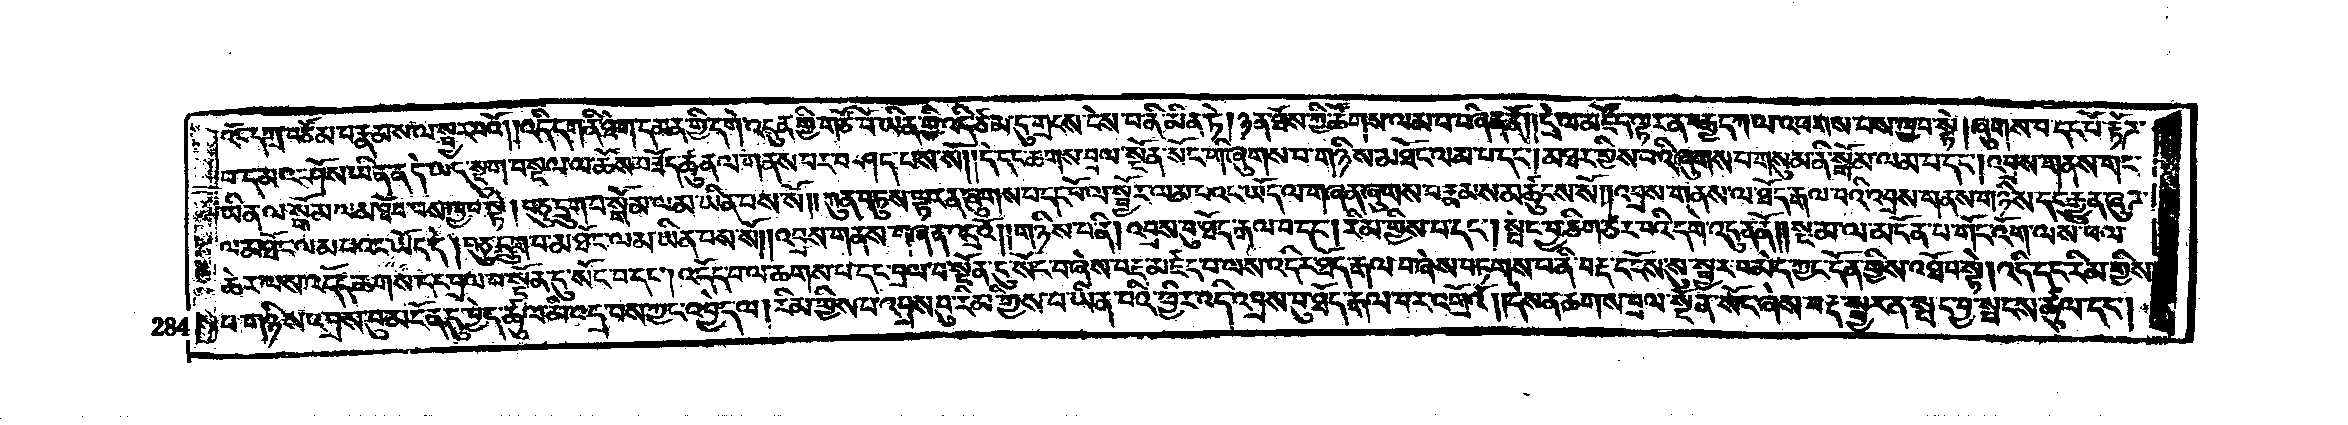འོད་དགྲ་བཅོམ་པ་རྣམས་ལ་སྦྱར་བའོ། །འདི་དག་ནི་ཐེག་དམན་གྱི་དགེ་འདུན་གྱི་གཙོ་བོ་ཡིན་གྱི་འདི་ཙམ་དུ་གྲངས་ངེས་པ་ནི་མིན་ཏེ། ཉན་ཐོས་ཀྱི་ཚོགས་ལམ་པ་བཞིན་ནོ། །དེ་ལ་མཛོད་ལྟར་ན་བརྒྱད་ཀ་ལ་འཕགས་པས་ཁྱབ་སྟེ། ཞུགས་པ་དང་པོ་རྟོགས་
པ་དམ་ལ་ཤོས་ཡིན་ན་དེ་ཡང་སྡུག་བསྔལ་ལ་ཆོས་བཟོད་ཚུན་ལ་གནས་པར་བཤད་པས་སོ། །དེ་དང་ཆགས་བྲལ་སྔོན་སོང་གི་ཞུགས་པ་གཉིས་མཐོང་ལམ་པ་དང་། མཐར་གྱིས་པའི་ཞུགས་པ་གསུམ་ནི་སྒོམ་ལམ་པ་དང་། འབྲས་གནས་གང་
ཡིན་ལ་སྒོམ་ལམ་ཐོབ་པས་ཁྱབ་སྟེ། བཅུ་དྲུག་པ་སྒོམ་ལམ་ཡིན་པས་སོ། །ཀུན་བཏུས་ལྟར་ན་ཞུགས་པ་དང་པོ་ལ་སྦྱོར་ལམ་པའང་ཡོད་ལ་གཞན་ཞུགས་པ་རྣམས་མཚུངས་སོ། །འབྲས་གནས་ལ་ཐོད་རྒལ་བའི་འབྲས་གནས་གཉིས་དང་རྒྱུན་ཞུགས་
ལ་མཐོང་ལམ་པའང་ཡོད་དེ། བཅུ་དྲུག་པ་མཐོང་ལམ་ཡིན་པས་སོ། །འབྲས་གནས་གཞན་འདྲའོ། །གཉིས་པ་ནི། འབྲས་བུ་ཐོད་རྒལ་བ་དང་། རིམ་གྱིས་པ་དང་། སྤང་བྱ་ཅིག་ཅར་བའི་དགེ་འདུན་ནོ། །སྔ་མ་ལ་མངོན་པ་གོང་འོག་ལས་ཕལ་
ཆེར་ལས་འདོད་ཆགས་དང་བྲལ་བ་སྔོན་དུ་སོང་བ་དང་། འདོད་པ་ལ་ཆགས་པ་དང་བྲལ་བ་སྔོན་དུ་སོང་བ་ཞེས་བརྡ་མཛད་པ་ལས་འདིར་ཐོད་རྒལ་བ་ཞེས་བཏགས་པ་ནི་བརྡ་དངོས་སུ་སྦྱར་བ་མེད་ཀྱང་དོན་གྱིས་འཐོབ་སྟེ། འདི་དང་རིམ་གྱིས་
པ་གཉིས་འབྲས་བུ་མངོན་དུ་བྱེད་ཚུལ་མི་འདྲ་བས་ཀྱང་འབྱེད་ལ། རིམ་གྱིས་པ་འབྲས་བུ་རིམ་གྱིས་པ་ཡིན་པའི་ཕྱིར་འདི་འབྲས་བུ་ཐོད་རྒལ་བར་འགྲོའོ། །དེས་ན་ཆགས་བྲལ་སྔོན་སོང་ཞེས་བརྡ་སྦྱར་ན་སྤང་བྱ་སྤངས་ཚུལ་དང་།